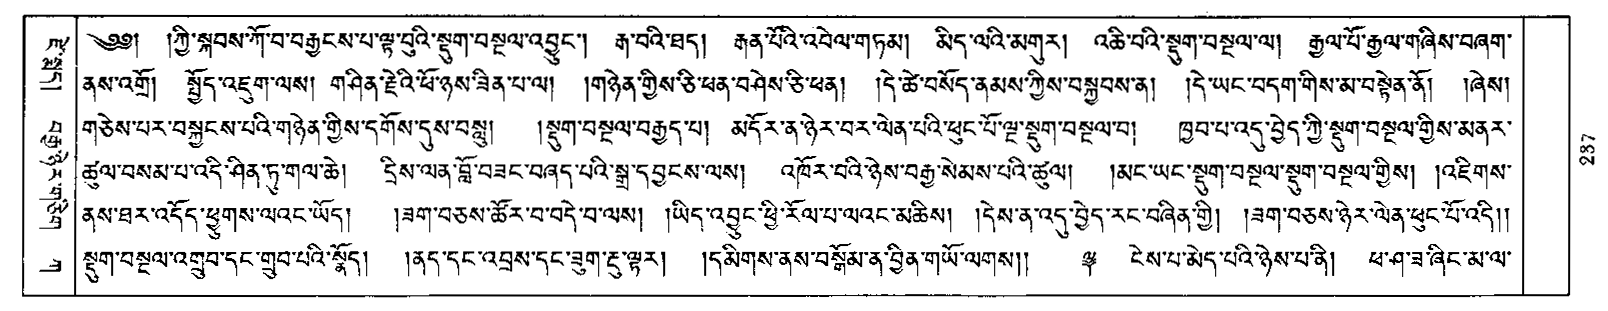༄༅། །ཀྱི་སྐབས་ཀོ་བ་བརྒྱངས་པ་ལྟ་བུའི་སྡུག་བསྔལ་འབྱུང་། རྒ་བའི་ཐད། རྒན་པོའི་འབེལ་གཏམ། མིད་ལའི་མགུར། འཆི་བའི་སྡུག་བསྔལ་ལ། རྒྱལ་པོ་རྒྱལ་གཞིས་བཞག་
ནས་འགྲོ། སྤྱོད་འཇུག་ལས། གཤིན་རྗེའི་ཕོ་ཉས་ཟིན་པ་ལ། །གཉེན་གྱིས་ཅི་ཕན་བཤེས་ཅི་ཕན། །དེ་ཚེ་བསོད་ནམས་ཀྱིས་བསྐྱབས་ན། །དེ་ཡང་བདག་གིས་མ་བསྟེན་ནོ། །ཞེས།
གཅེས་པར་བསྐྱངས་པའི་གཉེན་གྱིས་དགོས་དུས་བསླུ། །སྡུག་བསྔལ་བརྒྱད་པ། མདོར་ན་ཉེར་བར་ལེན་པའི་ཕུང་པོ་ལྔ་སྡུག་བསྔལ་བ། ཁྱབ་པ་འདུ་བྱེད་ཀྱི་སྡུག་བསྔལ་གྱིས་མནར་
ཚུལ་བསམ་པ་འདི་ཤིན་ཏུ་གལ་ཆེ། དྲིས་ལན་བློ་བཟང་བཞད་པའི་སྒྲ་དབྱངས་ལས། འཁོར་བའི་ཉེས་བརྒྱ་སེམས་པའི་ཚུལ། །མང་ཡང་སྡུག་བསྔལ་སྡུག་བསྔལ་གྱིས། །འཇིགས་
ནས་ཐར་འདོད་ཕྱུགས་ལའང་ཡོད། །ཟག་བཅས་ཚོར་བ་བདེ་བ་ལས། །ཡིད་འབྱུང་ཕྱི་རོལ་པ་ལའང་མཆིས། །དེས་ན་འདུ་བྱེད་རང་བཞིན་གྱི། །ཟག་བཅས་ཉེར་ལེན་ཕུང་པོ་འདི།།
སྡུག་བསྔལ་འགྲུབ་དང་གྲུབ་པའི་སྣོད། །ནད་དང་འབྲས་དང་ཟུག་རྔུ་ལྟར། །དམིགས་ནས་བསྒོམ་ན་བྱིན་གཡོ་ལགས།། ༈ ངེས་པ་མེད་པའི་ཉེས་པ་ནི། ཕ་ཤ་ཟ་ཞིང་མ་ལ་